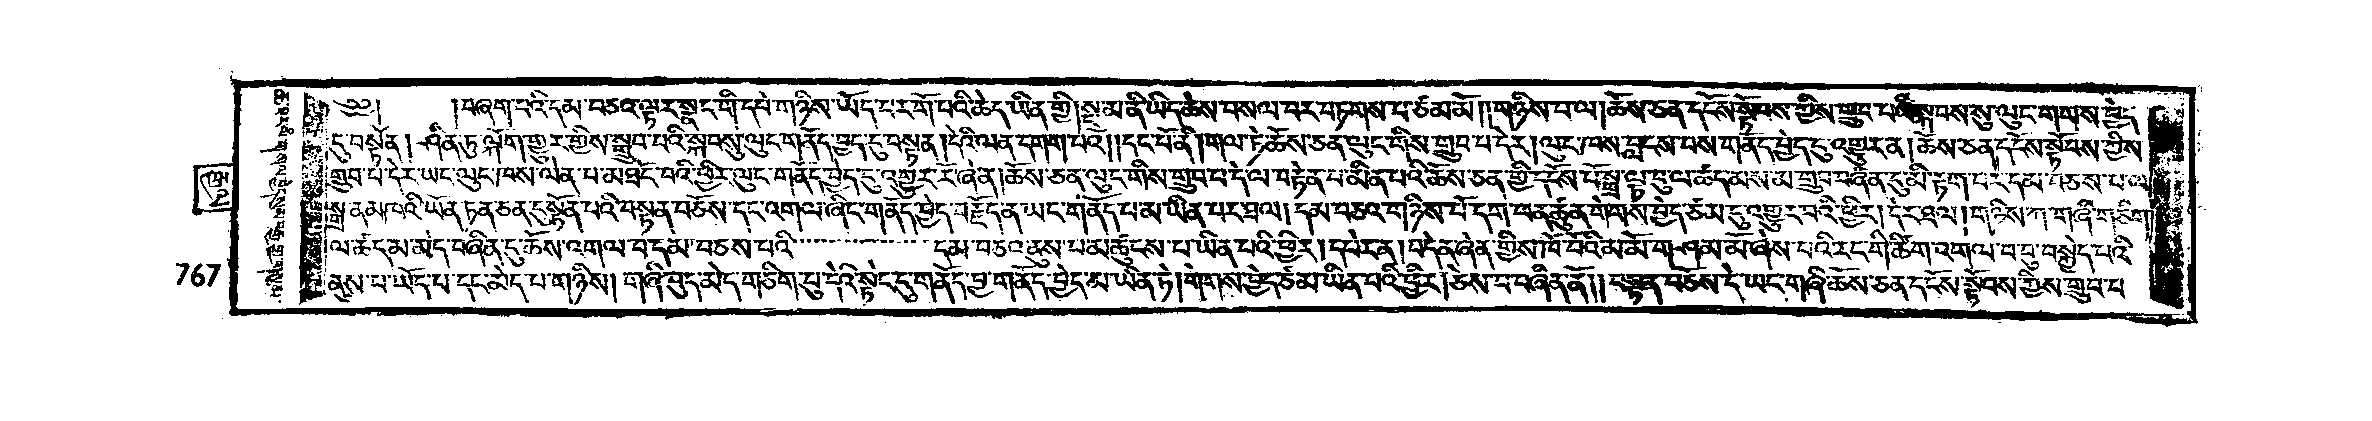༄༅། །བཞག་པའི་དམ་བཅའ་ལྟར་སྣང་གི་དཔེ་གཉིས་ཡོད་པར་གོ་བའི་ཆེད་ཡིན་གྱི། སྔ་མ་ནི་ཡིད་ཆེས་བསལ་བར་བཏགས་པ་ཙམ་མོ། །གཉིས་པ་ལ། ཆོས་ཅན་དངོས་སྟོབས་ཀྱིས་གྲུབ་པའི་སྐབས་སུ་ལུང་གེགས་བྱེད་
དུ་བསྟོན། ཤིན་ཏུ་ལྐོག་གྱུར་གྱིས་སྒྲུབ་པའི་སྐབས་སུ་ལུང་གནོད་བྱེད་དུ་བསྟན། དེའི་ལན་དགག་པའོ། །དང་པོ་ནི། གལ་ཏེ་ཆོས་ཅན་ལུང་གིས་གྲུབ་པ་དེར། ལུང་ཁས་བླངས་པས་གནོད་བྱེད་དུ་འགྱུར་ན། ཆོས་ཅན་དངོས་སྟོབས་ཀྱིས་
གྲུབ་པ་དེར་ཡང་ལུང་ཁས་ལེན་པ་མཐོང་བའི་ཕྱིར་ལུང་གནོད་བྱེད་དུ་འགྱུར་རོ་ཞེ་ན། ཆོས་ཅན་ལུང་གིས་གྲུབ་པ་དེ་ལ་བརྟེན་པ་མིན་པའི་ཆོས་ཅན་གྱི་དངོས་པོ་སྒྲ་ལྟ་བུ་ལ་ཚད་མས་མ་གྲུབ་བཞིན་དུ་མི་རྟག་པར་དམ་བཅས་པ་ལ་
སྒྲ་ནམ་མཁའི་ཡོན་ཏན་ཅན་དུ་སྟོན་པའི་བསྟན་བཅོས་དང་འགལ་ཞིང་གནོད་བྱེད་བརྗོད་ན་ཡང་གནོད་པ་མ་ཡིན་པར་ཐལ། དམ་བཅའ་གཉིས་པོ་དག་ཕན་ཚུན་གེགས་བྱེད་ཙམ་དུ་འགྱུར་བའི་ཕྱིར། དེར་ཐལ། གཉིས་ཀ་གཞི་གཅིག་
ལ་ཚད་མ་མེད་བཞིན་དུ་ཆོས་འགལ་བ་དམ་བཅས་པའི་དམ་བཅའ་ནུས་པ་མཚུངས་པ་ཡིན་པའི་ཕྱིར། དཔེར་ན། བདེན་ཞེན་གྱིས་ཁོ་བོའི་མ་མོ་གཤམ་མོ་ཞེས་པའི་རང་གི་ཚིག་འགལ་བ་བུ་བསྐྱེད་པའི་
ནུས་པ་ཡོད་པ་དང་མེད་པ་གཉིས། གཞི་བུད་མེད་གཅིག་པུ་དེའི་སྟེང་དུ་གནོད་བྱ་གནོད་བྱེད་མ་ཡིན་ཏེ། གེགས་བྱེད་ཙམ་ཡིན་པའི་ཕྱིར། ཅེས་པ་བཞིན་ནོ། །བསྟན་བཅོས་དེ་ཡང་གཞི་ཆོས་ཅན་དངོས་སྟོབས་ཀྱིས་གྲུབ་པ་